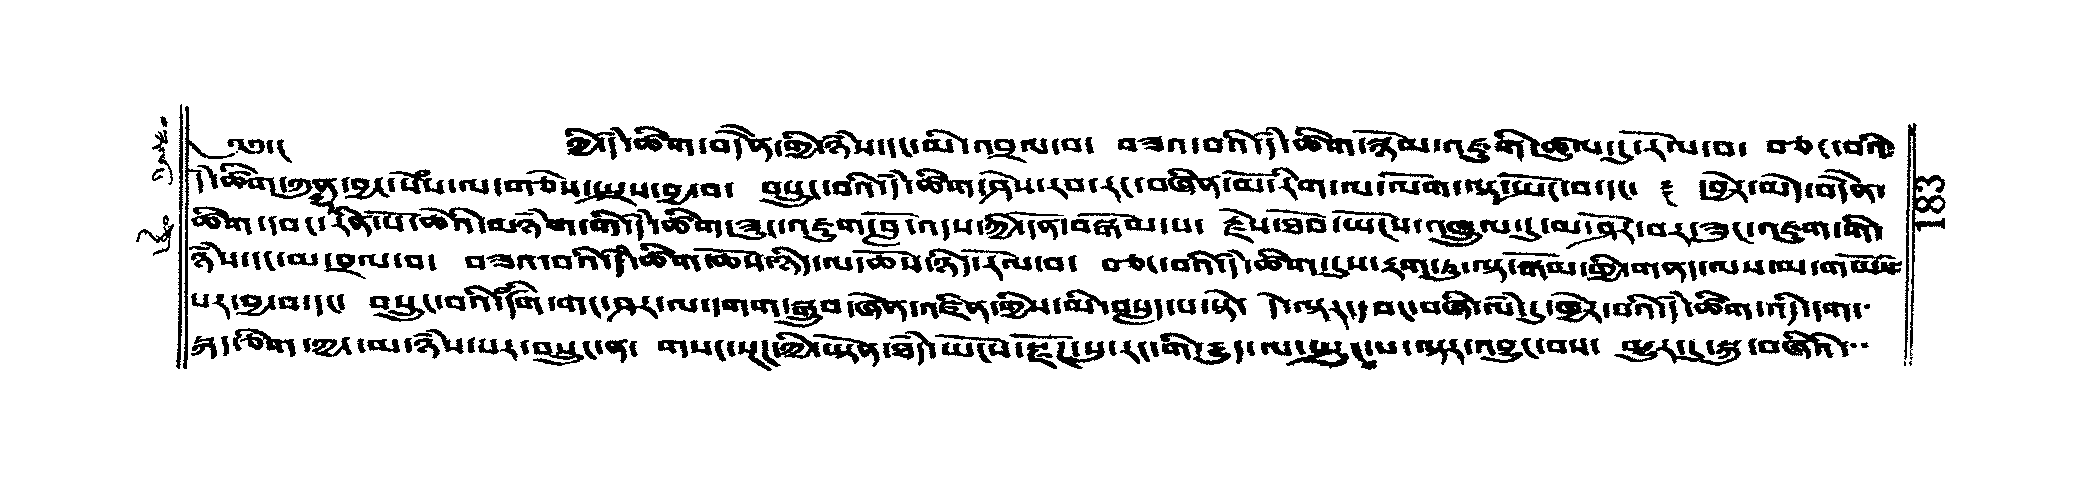ཀྱི་དམ་ཚིག་བདེ་ཆེན་གྱི་ཉམས་དང་མི་འབྲལ་བ། བཟའ་བའི་དམ་ཚིག་སྙོམ་འཇུག་གི་ཚུལ་དུ་རོལ་བ། བཅང་བའི་
དམ་ཚིག་ཀུནྡ་བྱང་སེམས་ལ་གཅེས་སྤྲས་བྱ་བ། བསྲུང་བའི་དམ་ཚིག་ཤེས་རབ་རང་བཞིན་མོ་རིགས་ལ་ལོག་ལྟ་སྤོང་བ་དང་། དབྱེར་མེད་བདེ་ཆེན་
ཚིག་དབང་རིན་པོ་ཆེའི་མཉམ་བཞག་དམ་ཚིག་ཟུང་འཇུག་བློ་འདས་ཀྱི་དོན་བསྒོམ་པ། རྗེས་ཐོབ་ཡེངས་འཁྲུལ་དུ་མ་ཤོར་བར་ཟུང་འཇུག་གི་
ཉམས་དང་མ་བྲལ་བ། བཟའ་བའི་དམ་ཚིག་ཆོས་ཉིད་ལ་ཆོས་ཉིད་རོལ་བ། བཅང་བའི་དམ་ཚིག་དུས་རྟག་ཏུ་ལྟ་སྒོམ་གྱི་གནད་ལས་མ་གཡོས་
པར་བྱ་བ་དང་། བསྲུང་བའི་དམ་ཚིག་གང་ཤར་ལ་དགག་སྒྲུབ་ཞེན་འཛིན་གྱིས་མི་བསླད་པ་སྟེ། དེ་ལྟར་དབང་བཞི་ལམ་དུ་ཁྱེར་བའི་དམ་ཚིག་འདི་དག་
སྐད་ཅིག་ཀྱང་མ་ཉམས་པར་བསྲུང་ན། གསང་སྔགས་ཀྱི་ཡོན་ཏན་ཐམས་ཅད་ཡོངས་རྫོགས་སུ་རང་གི་རྒྱུད་ལ་སྤུངས་པ་ལྟར་འབྱུང་བས། མྱུར་དུ་སྐུ་བཞིའི་